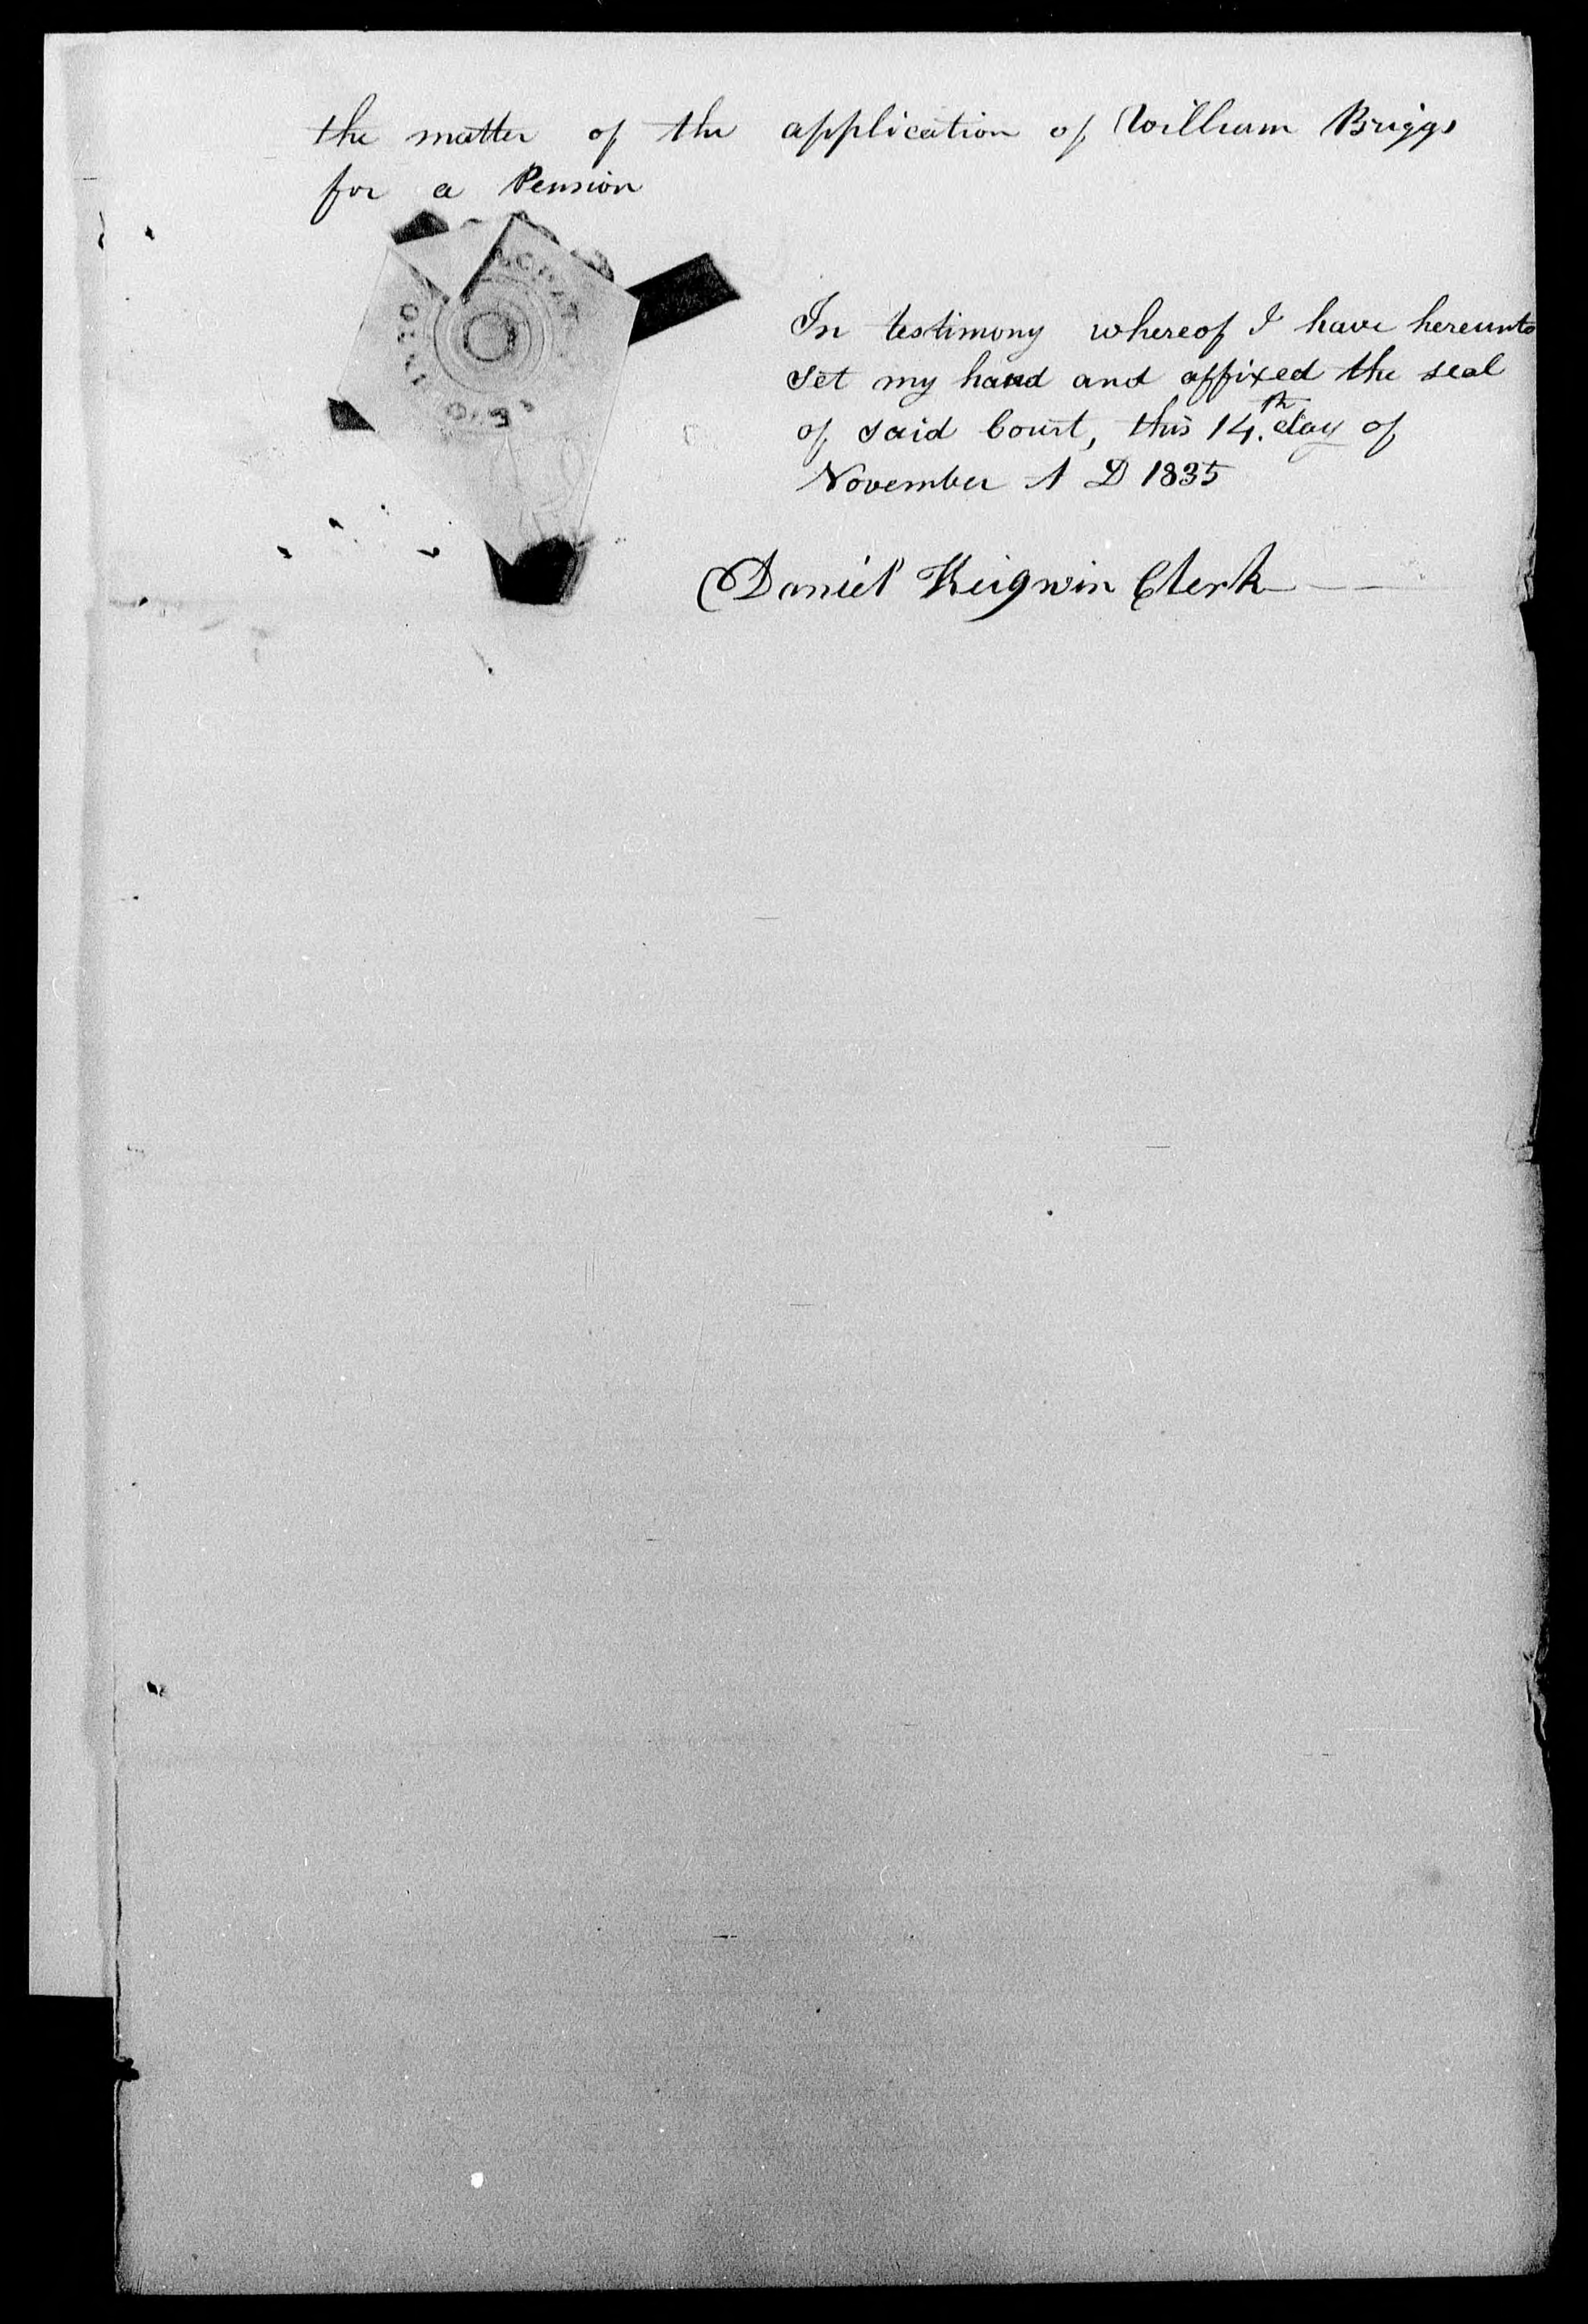the matter of the application of William Briggs for a Pension 

[Stamp of Court Seal]

In testimony whereof I have hereunto set my hand and affixed the seal of said Court, this 14th day of November A D 1835 

Daniel Keigwin Clerk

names: William Briggs, Daniel Keigwin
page: 9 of 37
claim: survivor's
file: S. 12,281, William Briggs, Conn.